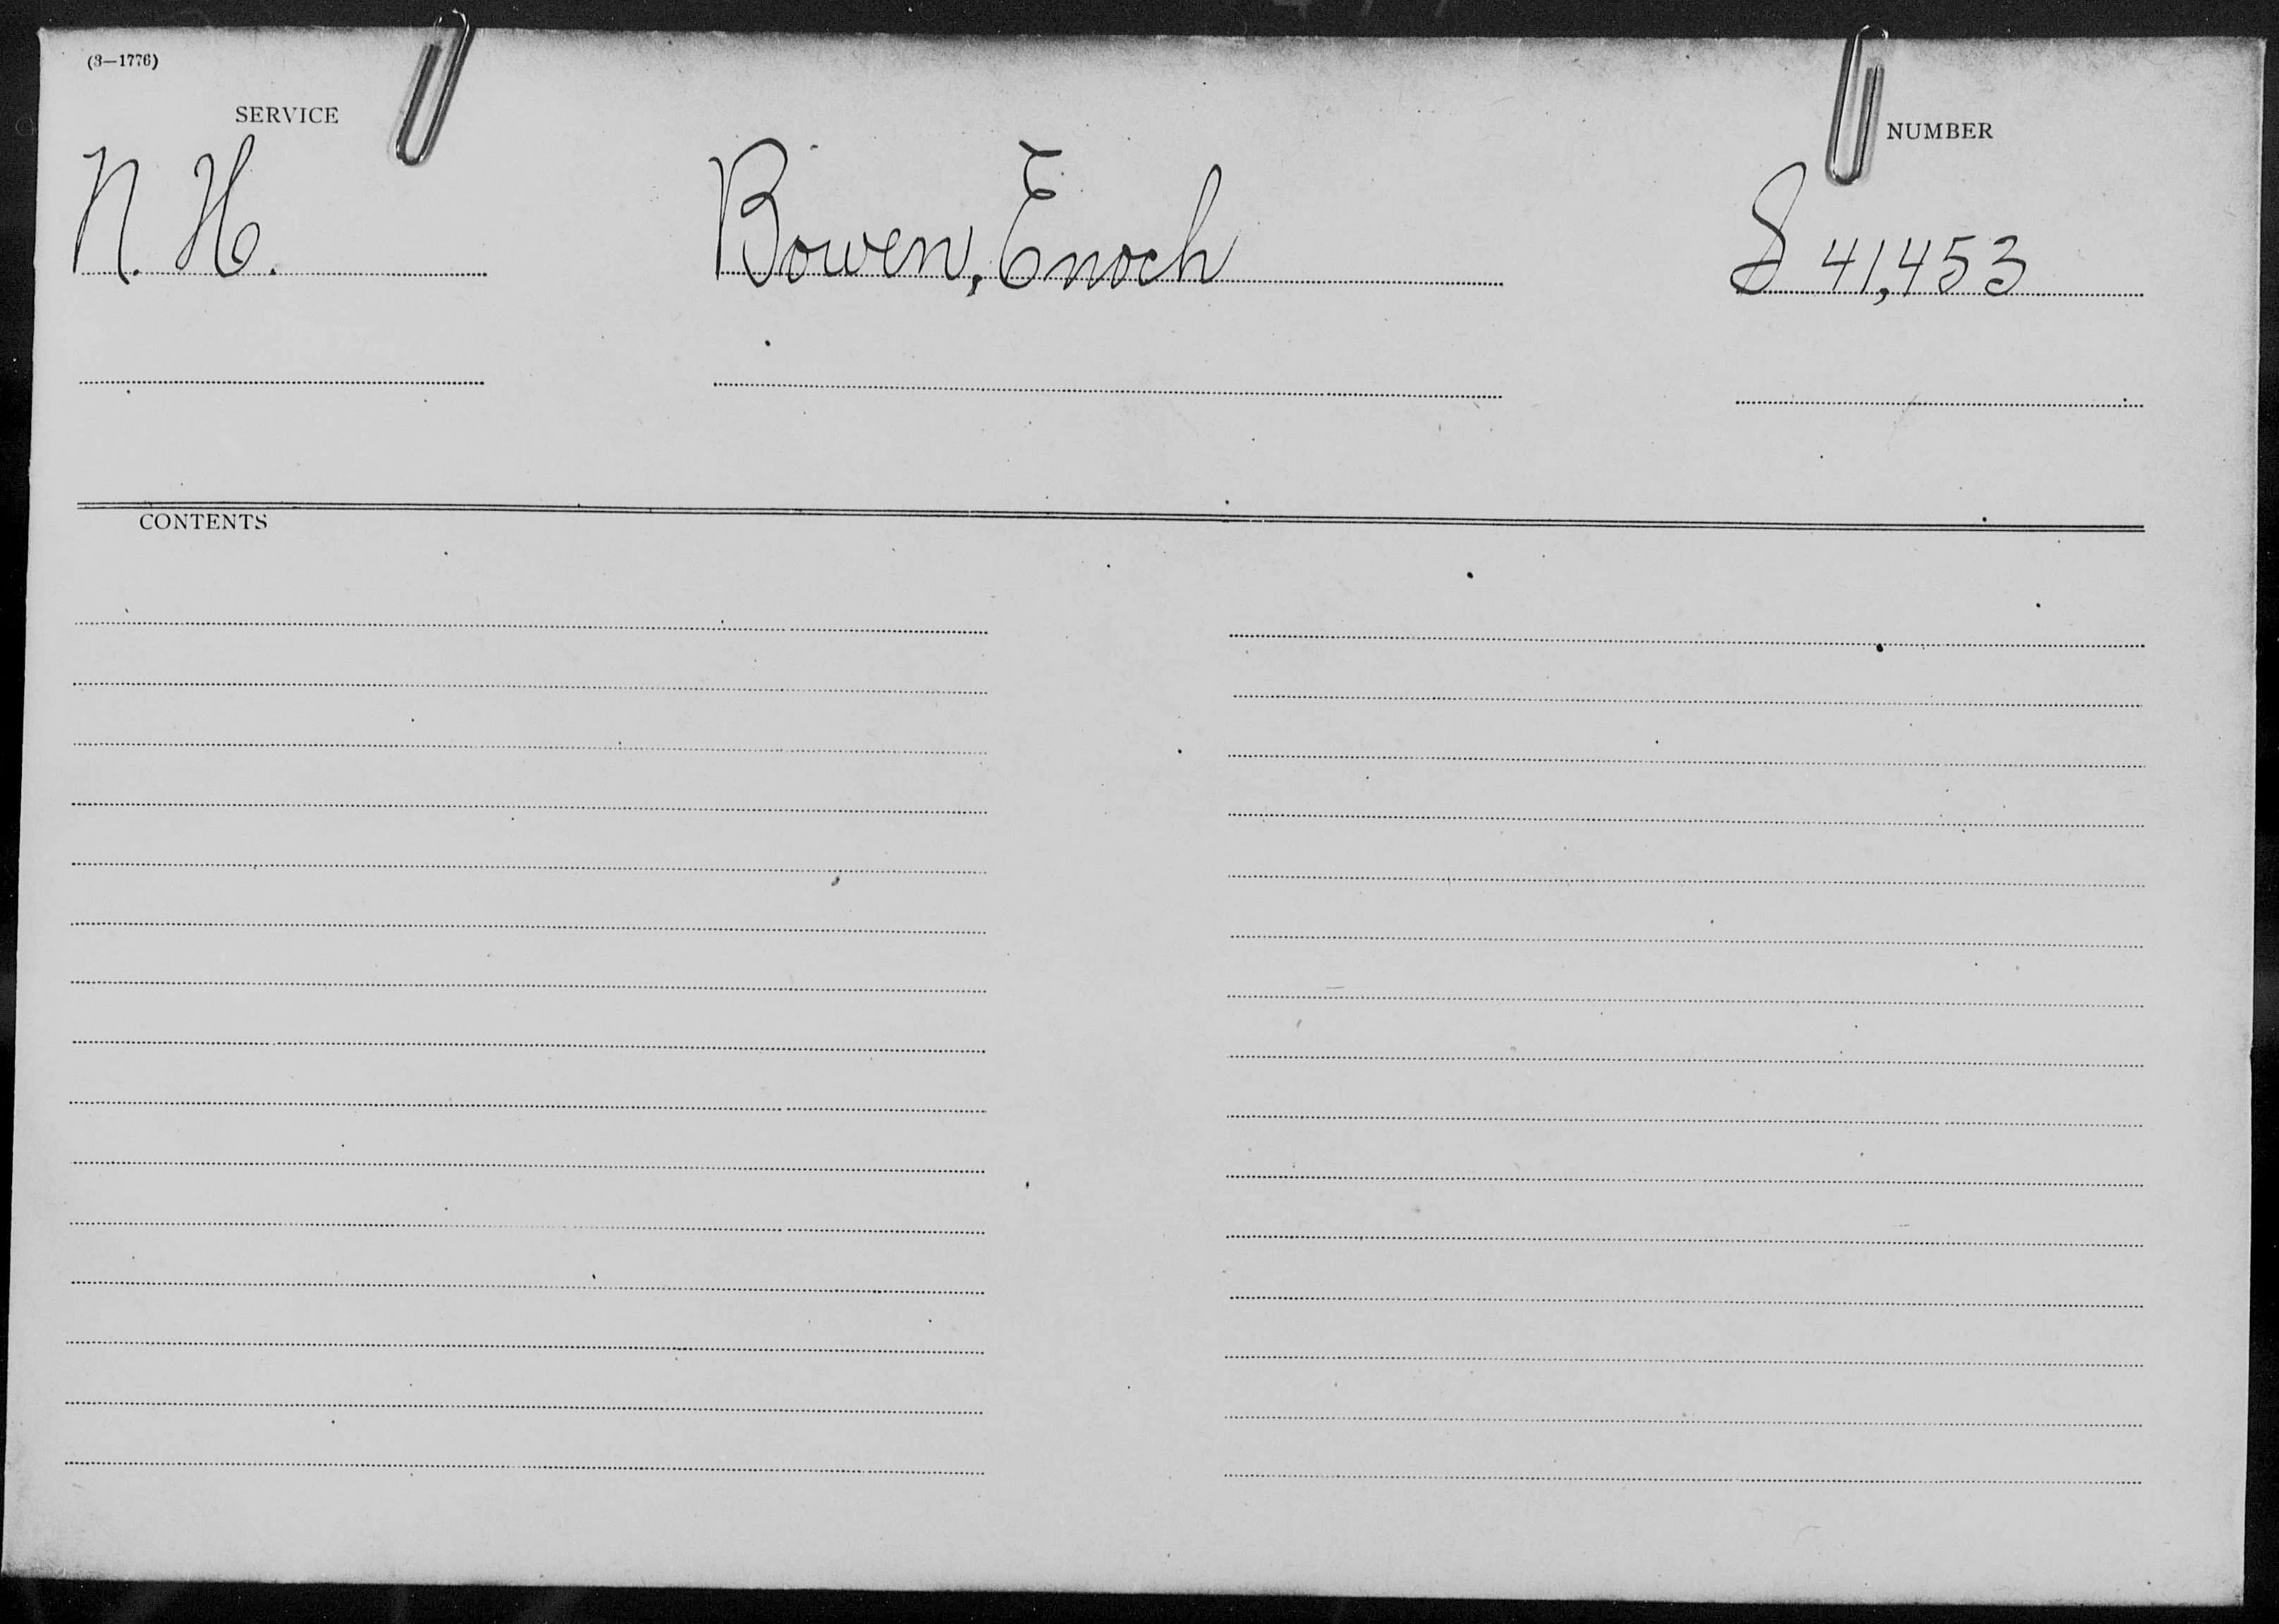(3-1776) SERVICE N.H. BOWEN, ENOCH NUMBER S41,453 CONTENTS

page: 1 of 11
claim: survivor's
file: S. 41,453, Enoch Bowen, N.H.